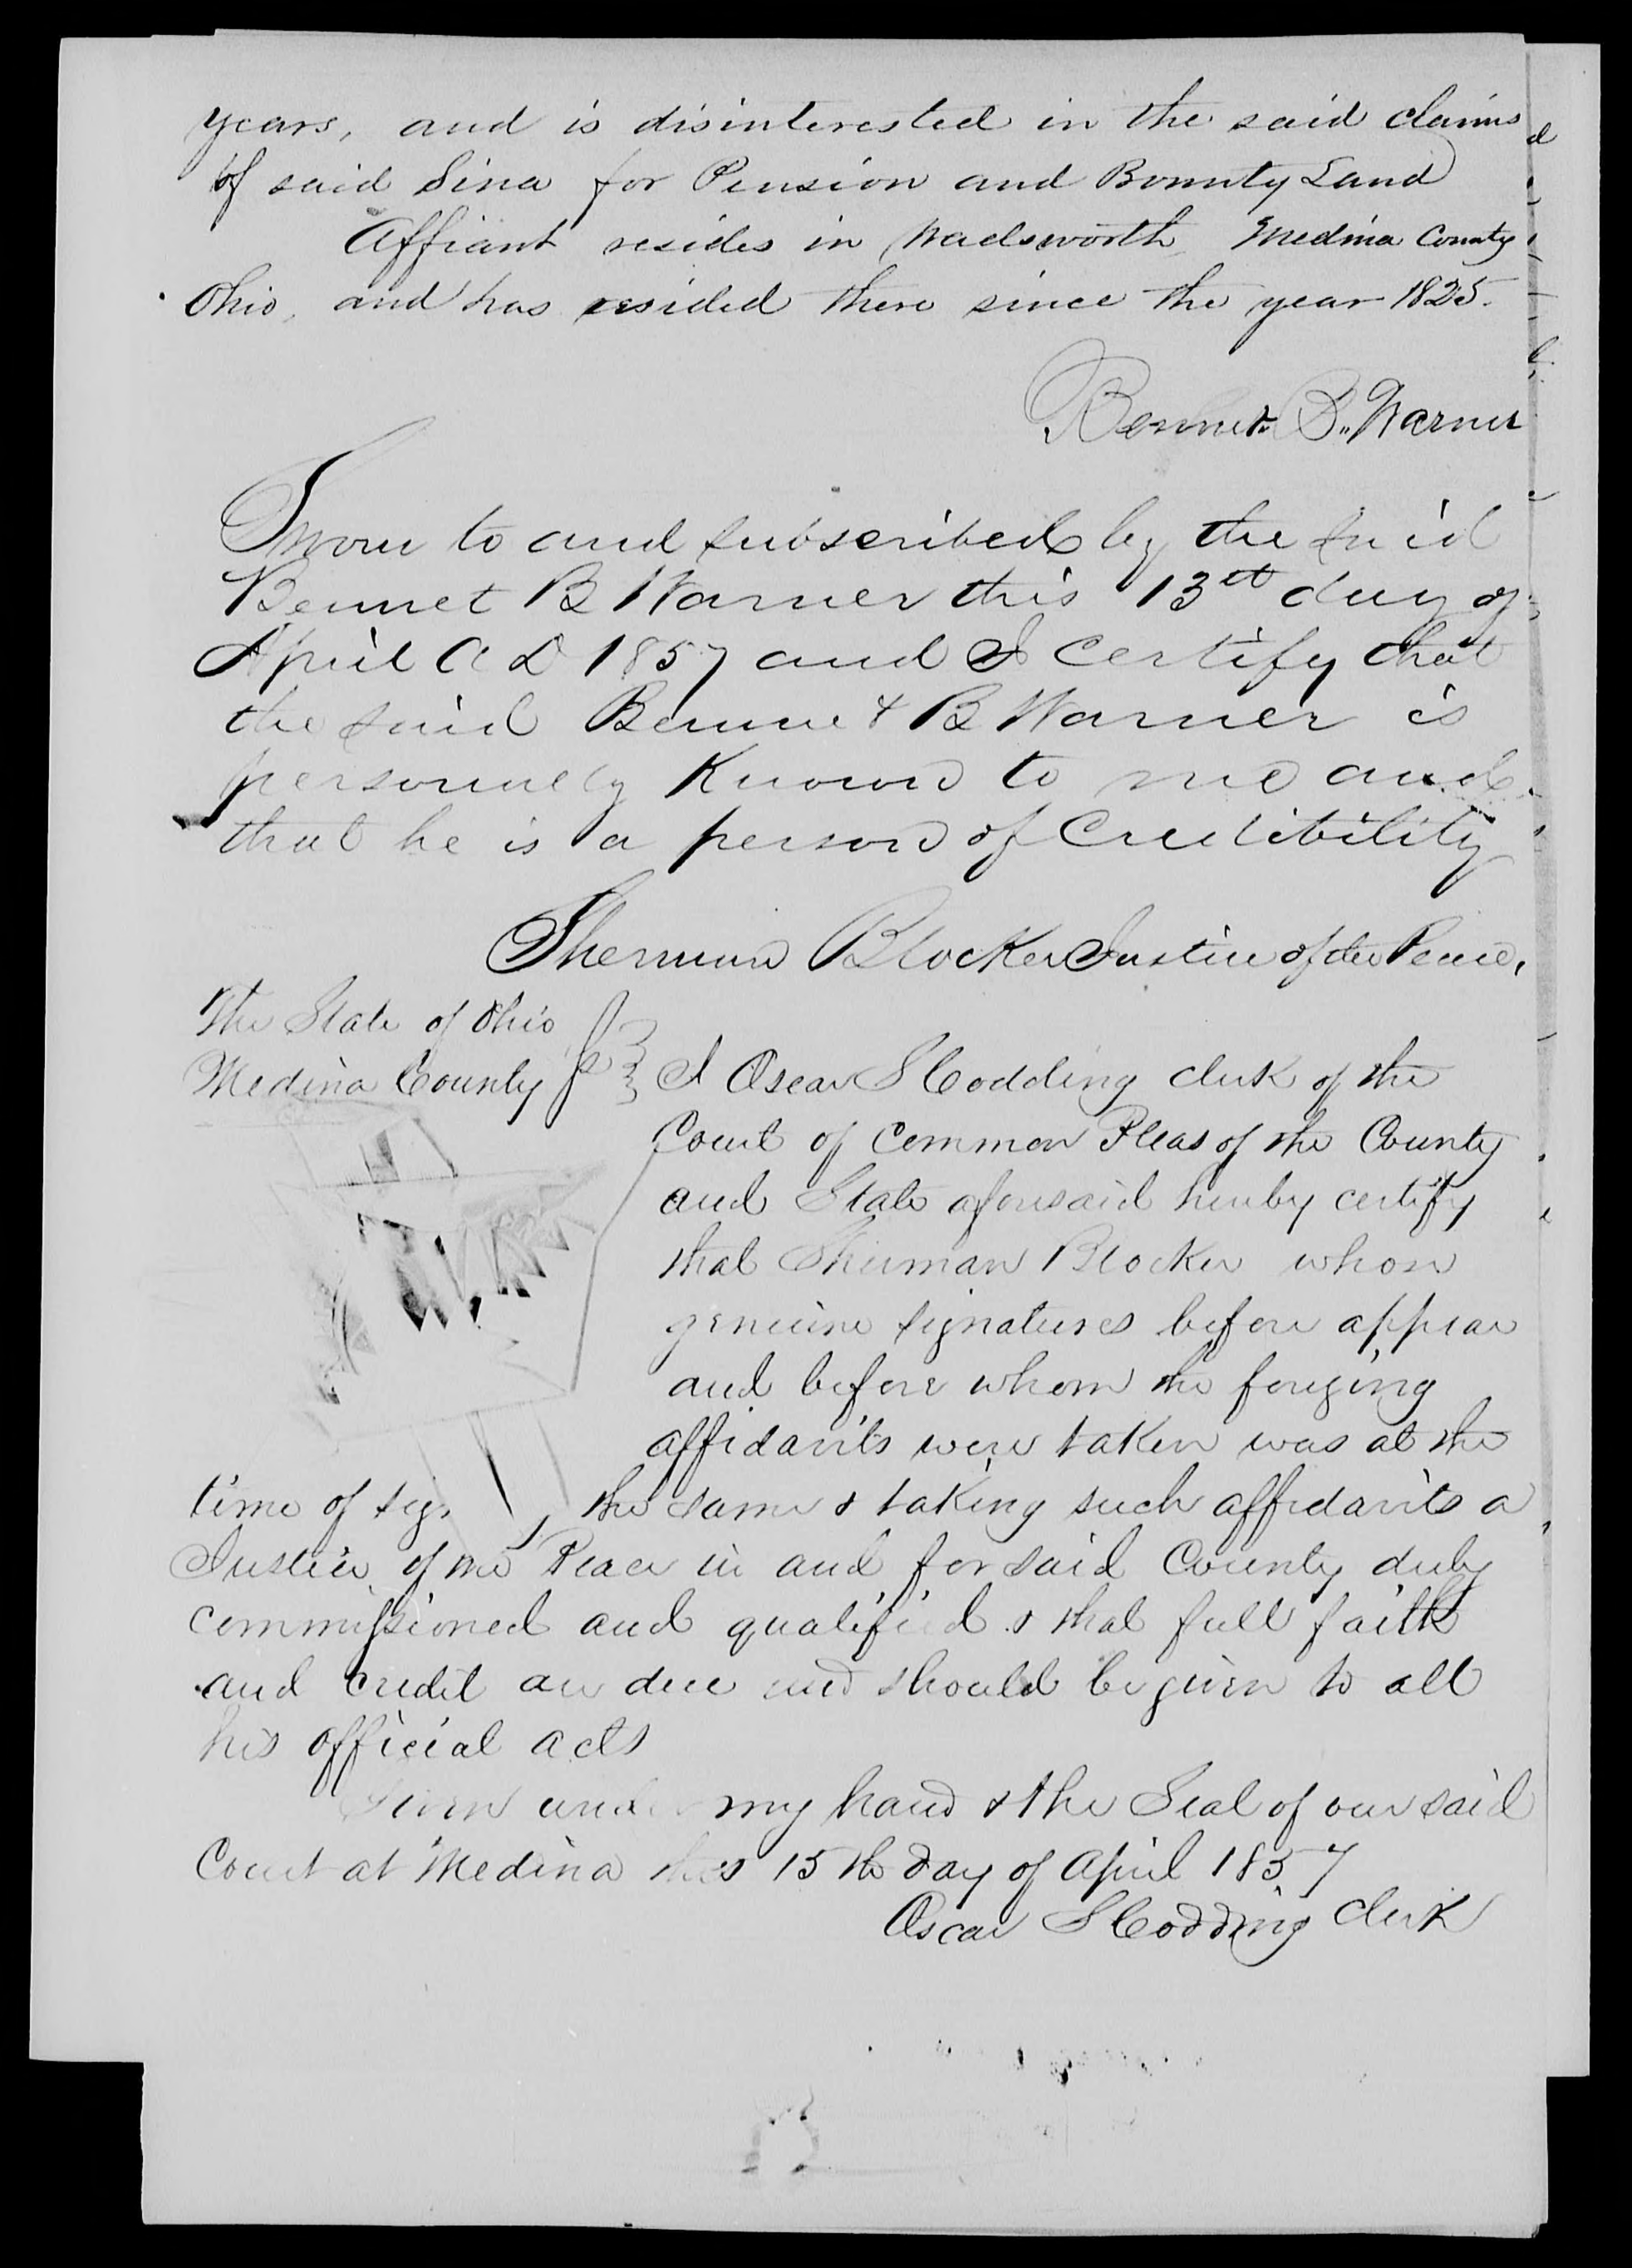years, and is disinterested in the said claims
of said Sina for Pension and Bounty Land.

Affiant resides in Wadsworth, Medina County
Ohio, and has resided there since the year 1825.

Bennet B. Warner [signature]

Sworn to and subscribed by the said Bennet B Warner this 13th day of April A D 1857 and I certify that the said Bennet B Warner is
personally known to me and that he is a person of credibility.

Sherman Blocker Justice of the Peace [signature]

The State of Ohio }
Medina County ss}

I Oscar S Codding Clerk of the Court of Common Pleas of the County and State aforesaid hereby certify that Sherman Blocker whose genuine signatures before appear
and before whom the foregoing affidavits were taken was at the time of signing the same & taking such affidavits a Justice of the Peace in and for said County duly commissioned and qualified & that full faith
and credit are due and should be given to all
his official acts

Given and my hand & the Seal of our said
Court at Medina this 15th day of April 1857
Oscar S Codding Clerk [signature]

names: Oscar S Codding, Bennet B Warner, Bennet B Warner, Sherman Blocker, Sherman Blocker, Sina, Bennet B Warner, Oscar S Codding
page: 37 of 76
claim: widow's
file: W. 9345, Joseph Bartholomew, Conn.